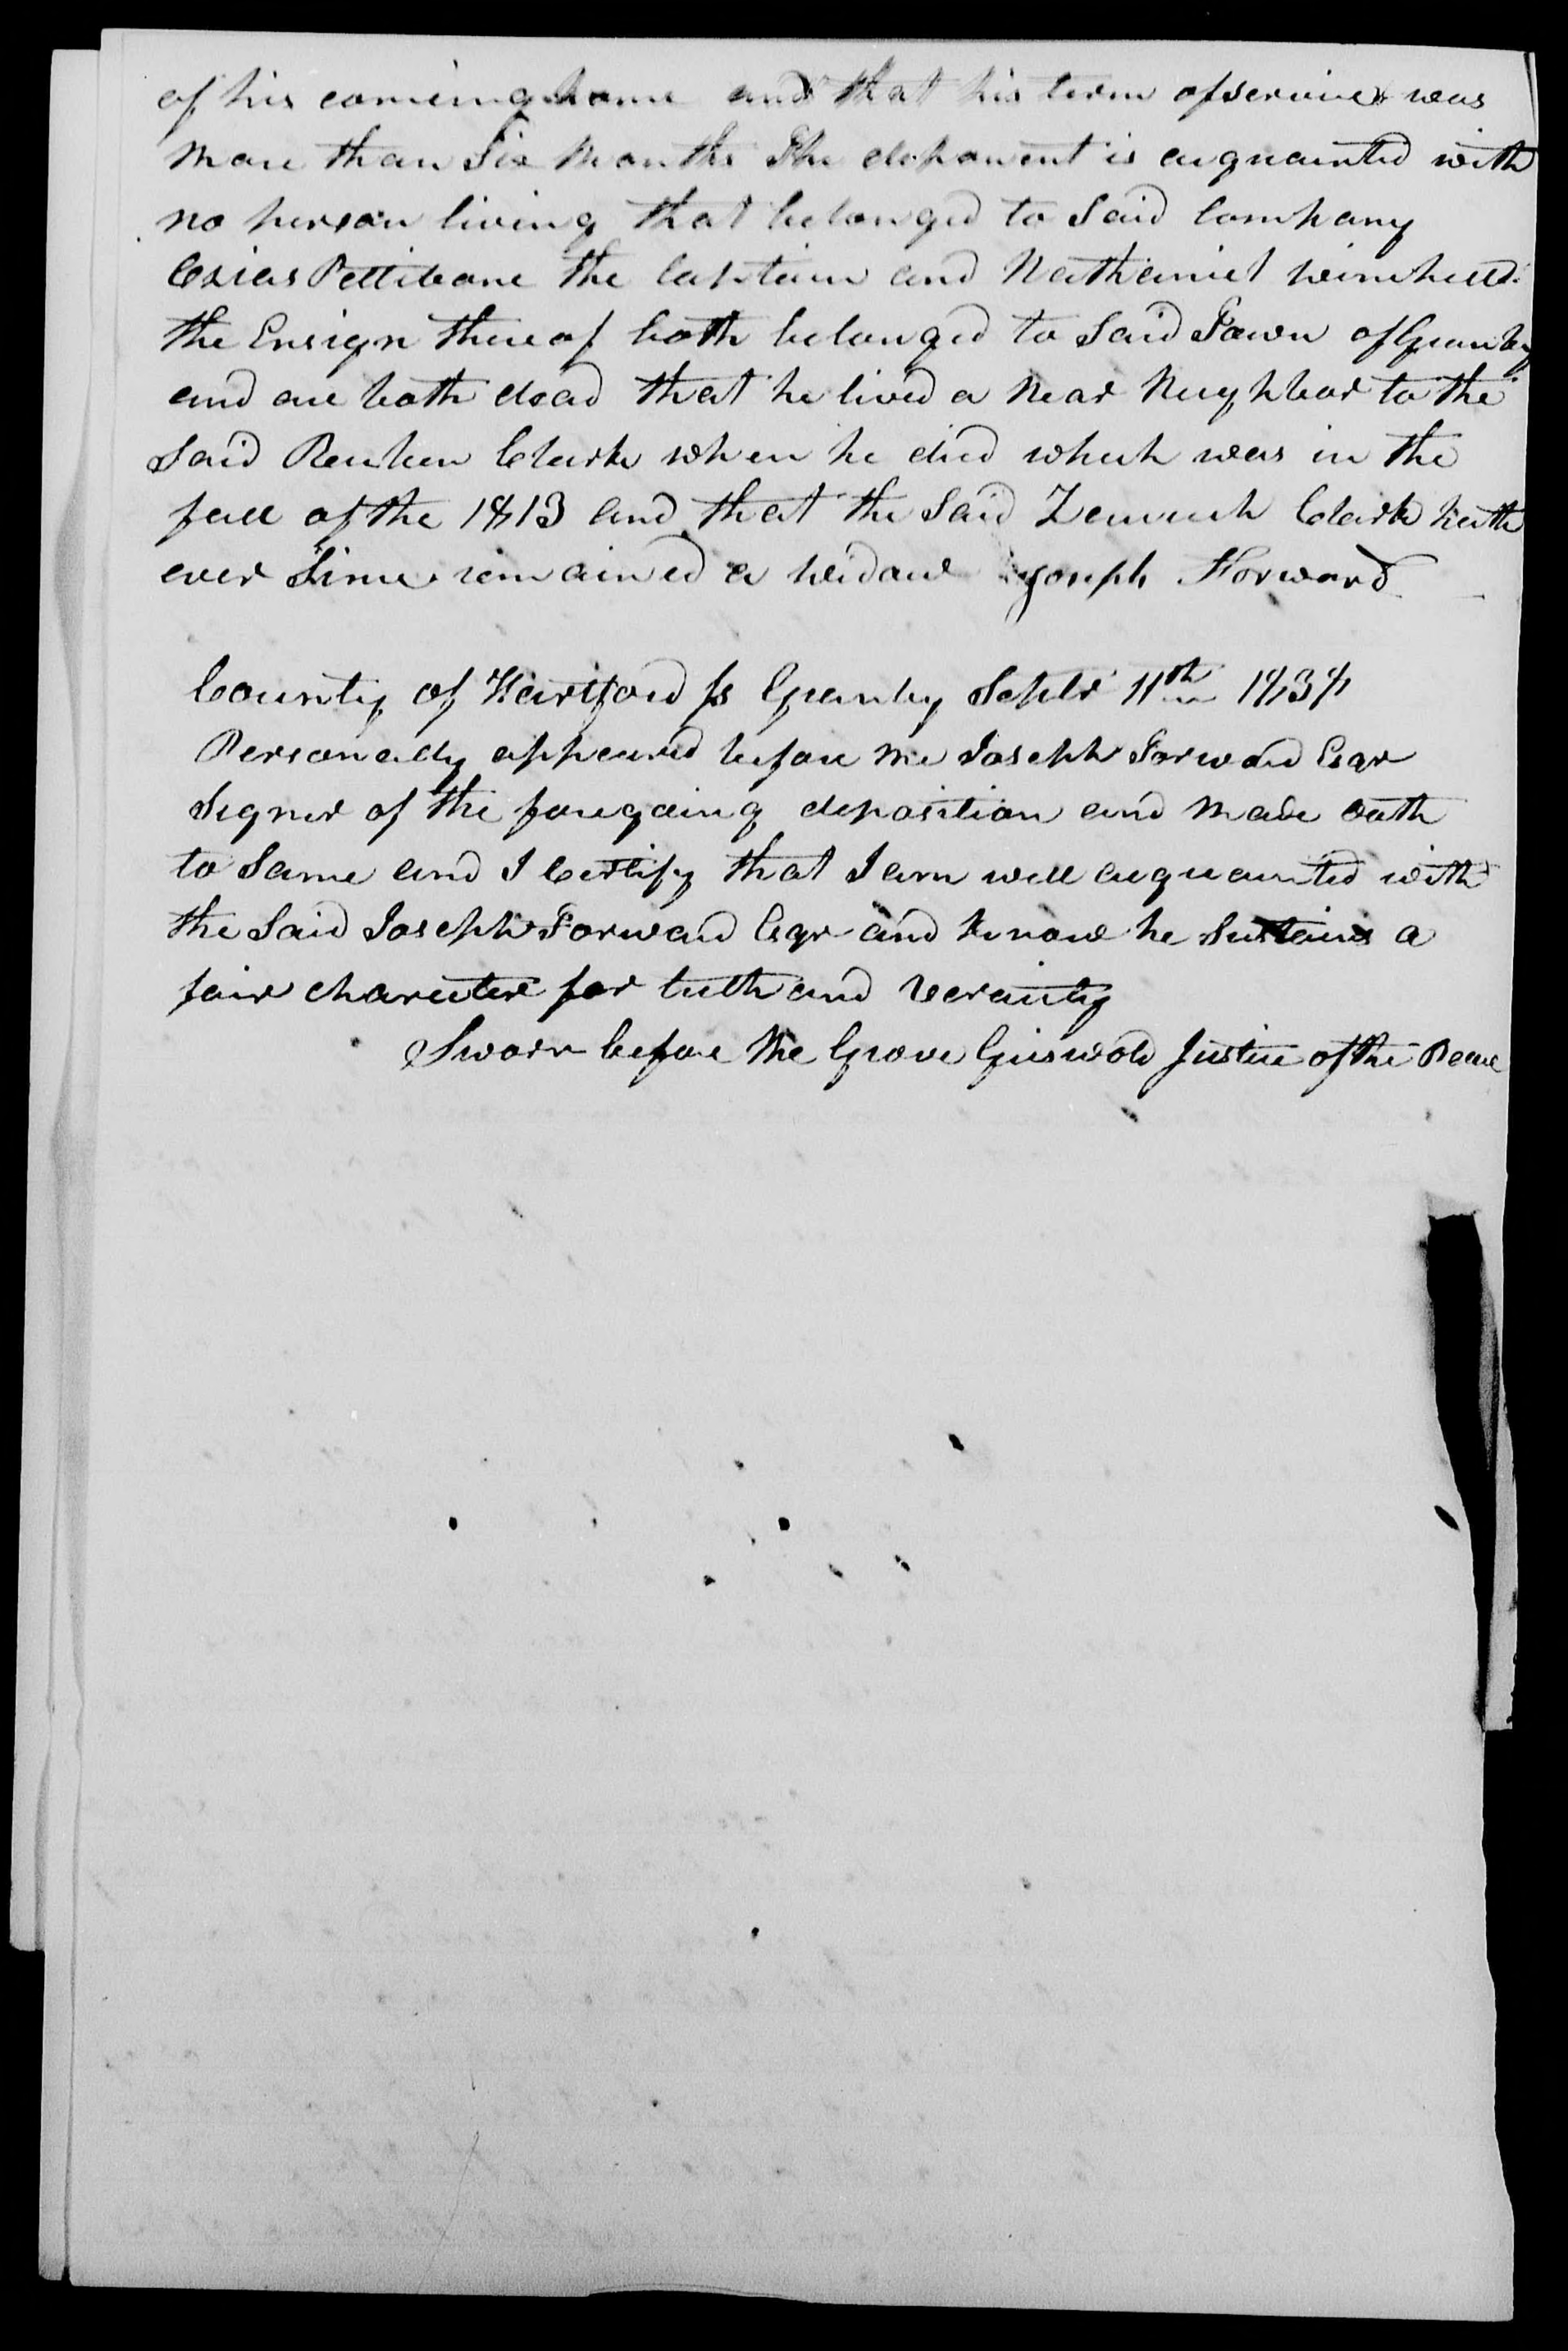[handwritten]
of his coming home and that his term of Service was more than Six Months  the deponent is acquainted with no person living that belonged to Said Company  Osias Pettibone the Captain and Nathaniel Winchell the Ensign thereof both belonged to Said Town of Granby and are both dead  that he lived a Near Neighbor to the Said Reuben Clark when he died which was in the fall of the 1813  And that the Said Zeruiah Clark hat ever Since remained a widow. [signed] Joseph Forward

County of Hartford ss Granby Septr 11th 1838
Personally appeared before me Joseph Forward Esqr Signed of the foregoing deposition and Made oath to Same and I Certify that I am well acquainted with the Said Joseph Forward Esq and know he Sustains a fair character for truth and veracity
Sworn before Me [signed] Grove Griswold Justice of the Peace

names: Zeruiah Clark, Reuben Clark, Nathaniel Winchell, Joseph Forward, Joseph Forward, Joseph Forward, Osias Pettibone, Grove Griswold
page: 22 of 26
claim: widow's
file: W. 14483, Reuben Clark, Conn.